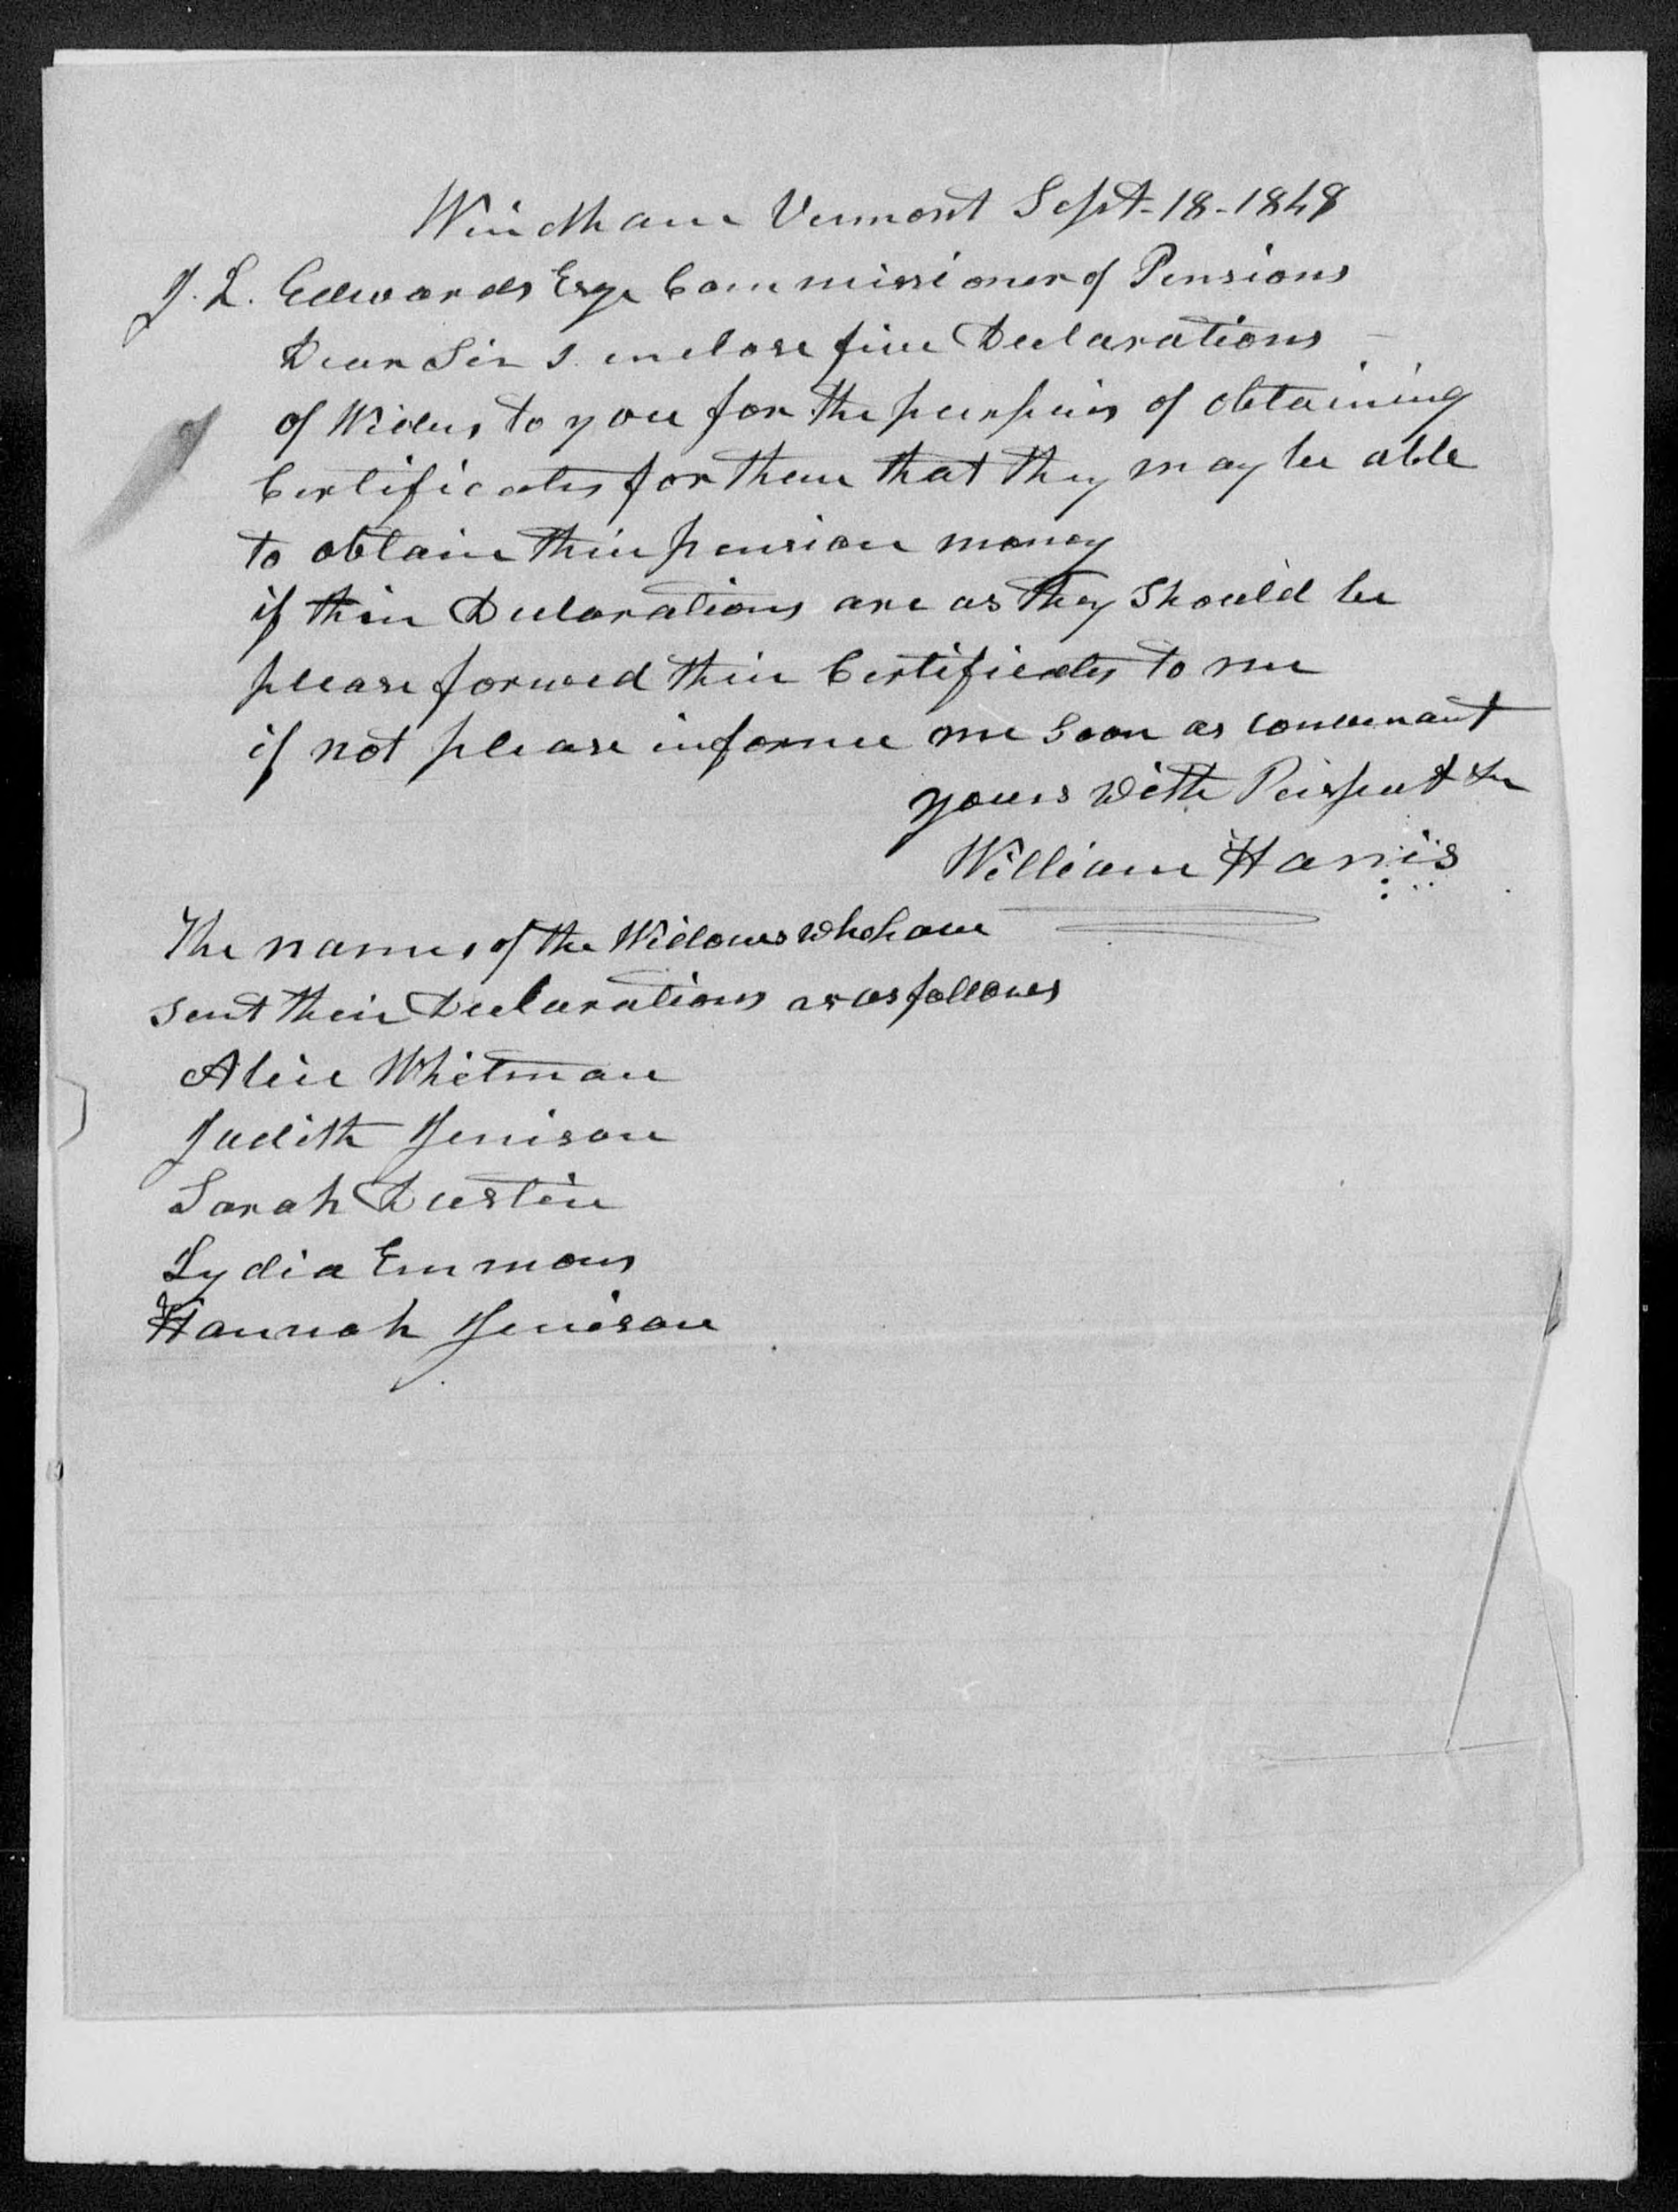Windham Vermont Sept. 18. 1848
J. L. Edwards Esqr Commissioner of Pensions
Dear Sir I enclose five Declarations of Widows to you for the purpose of obtaining Certificates for them that they may be able to obtain their pension money
if their Declarations are as they should be please forward their Certificates to me if not please inform me soon as convenient
Yours with Respect &c
/s/William Harris

The names of the Widows who have sent their Declarations are as follows
Alice Whitman
Judith Jenison
Sarah Dustin 
Lydia Emmons
Hannah Jenison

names: Hannah Jenison, Lydia Emmons, J L Edwards, Judith Jenison, Sarah Dustin, Alice Whitman, William Harris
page: 27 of 41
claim: widow's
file: W. 15627, Timothy Carpenter, Vt.